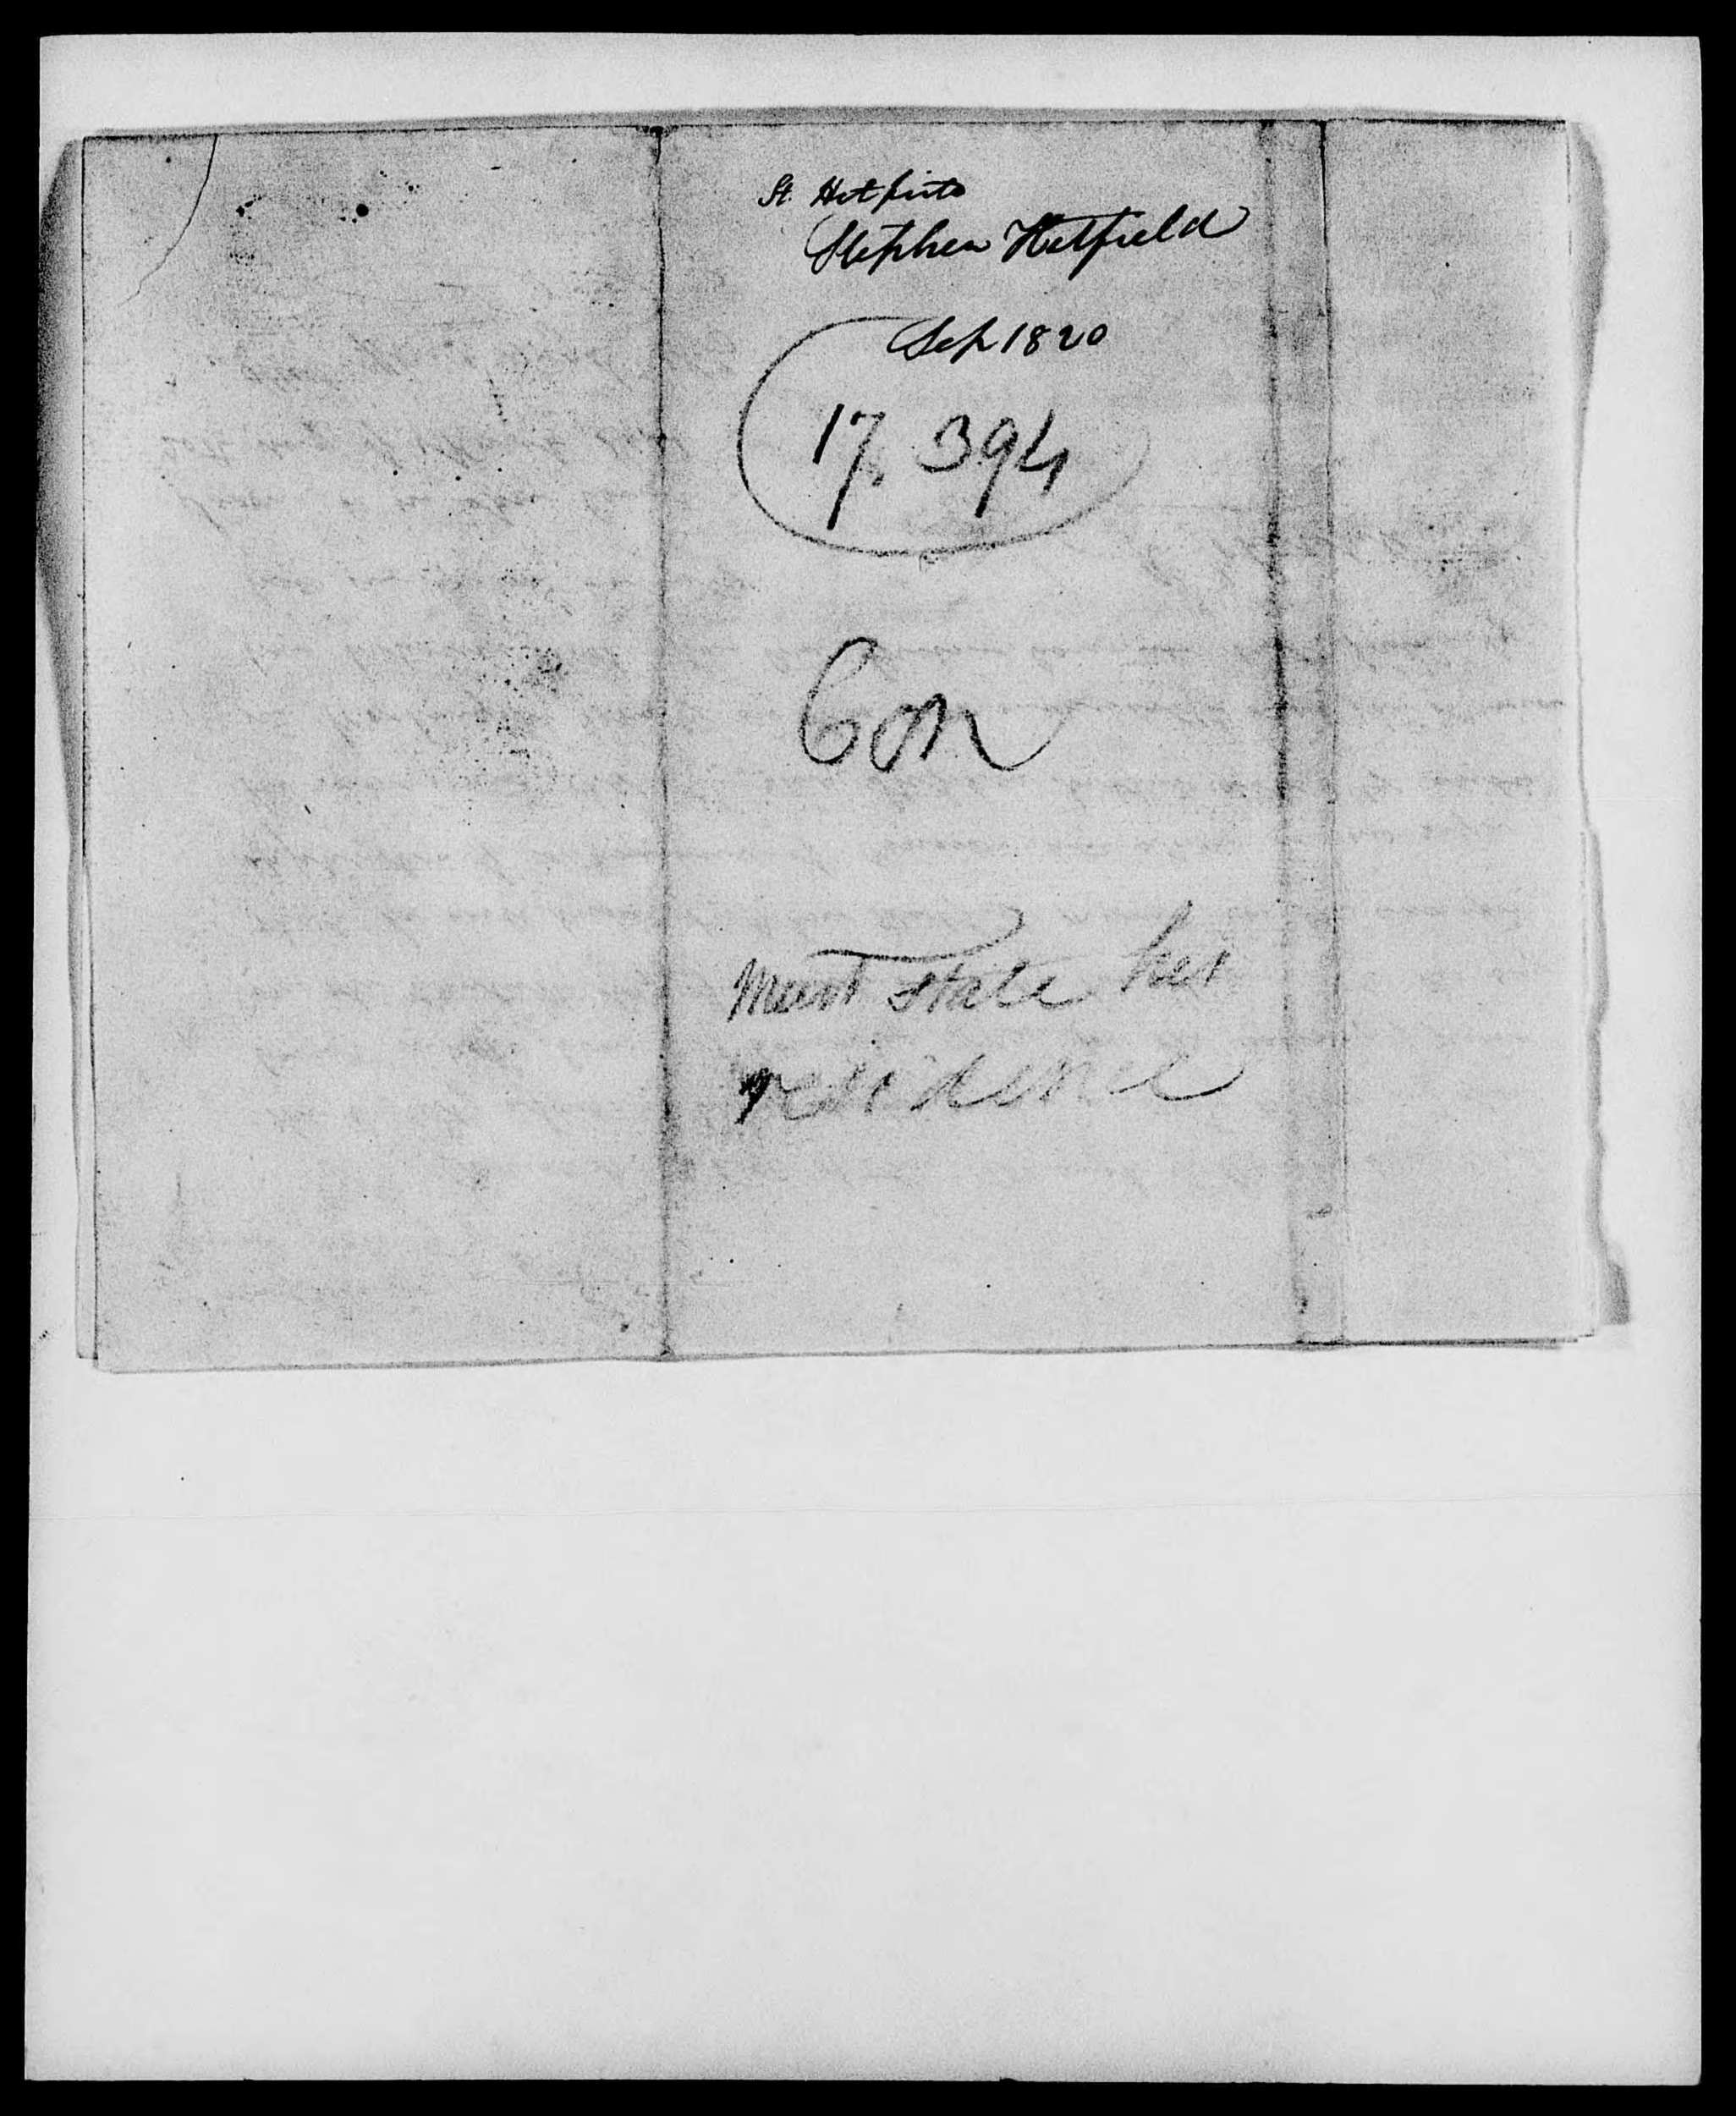St. Hetfield

Stephen Hetfield

Sep 1820

17.39 [illegible character]

Con

must state her
residence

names: St Hetfield, Stephen Hetfield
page: 7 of 45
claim: widow's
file: W. 2734, Stephen Hetfield, New Jersey